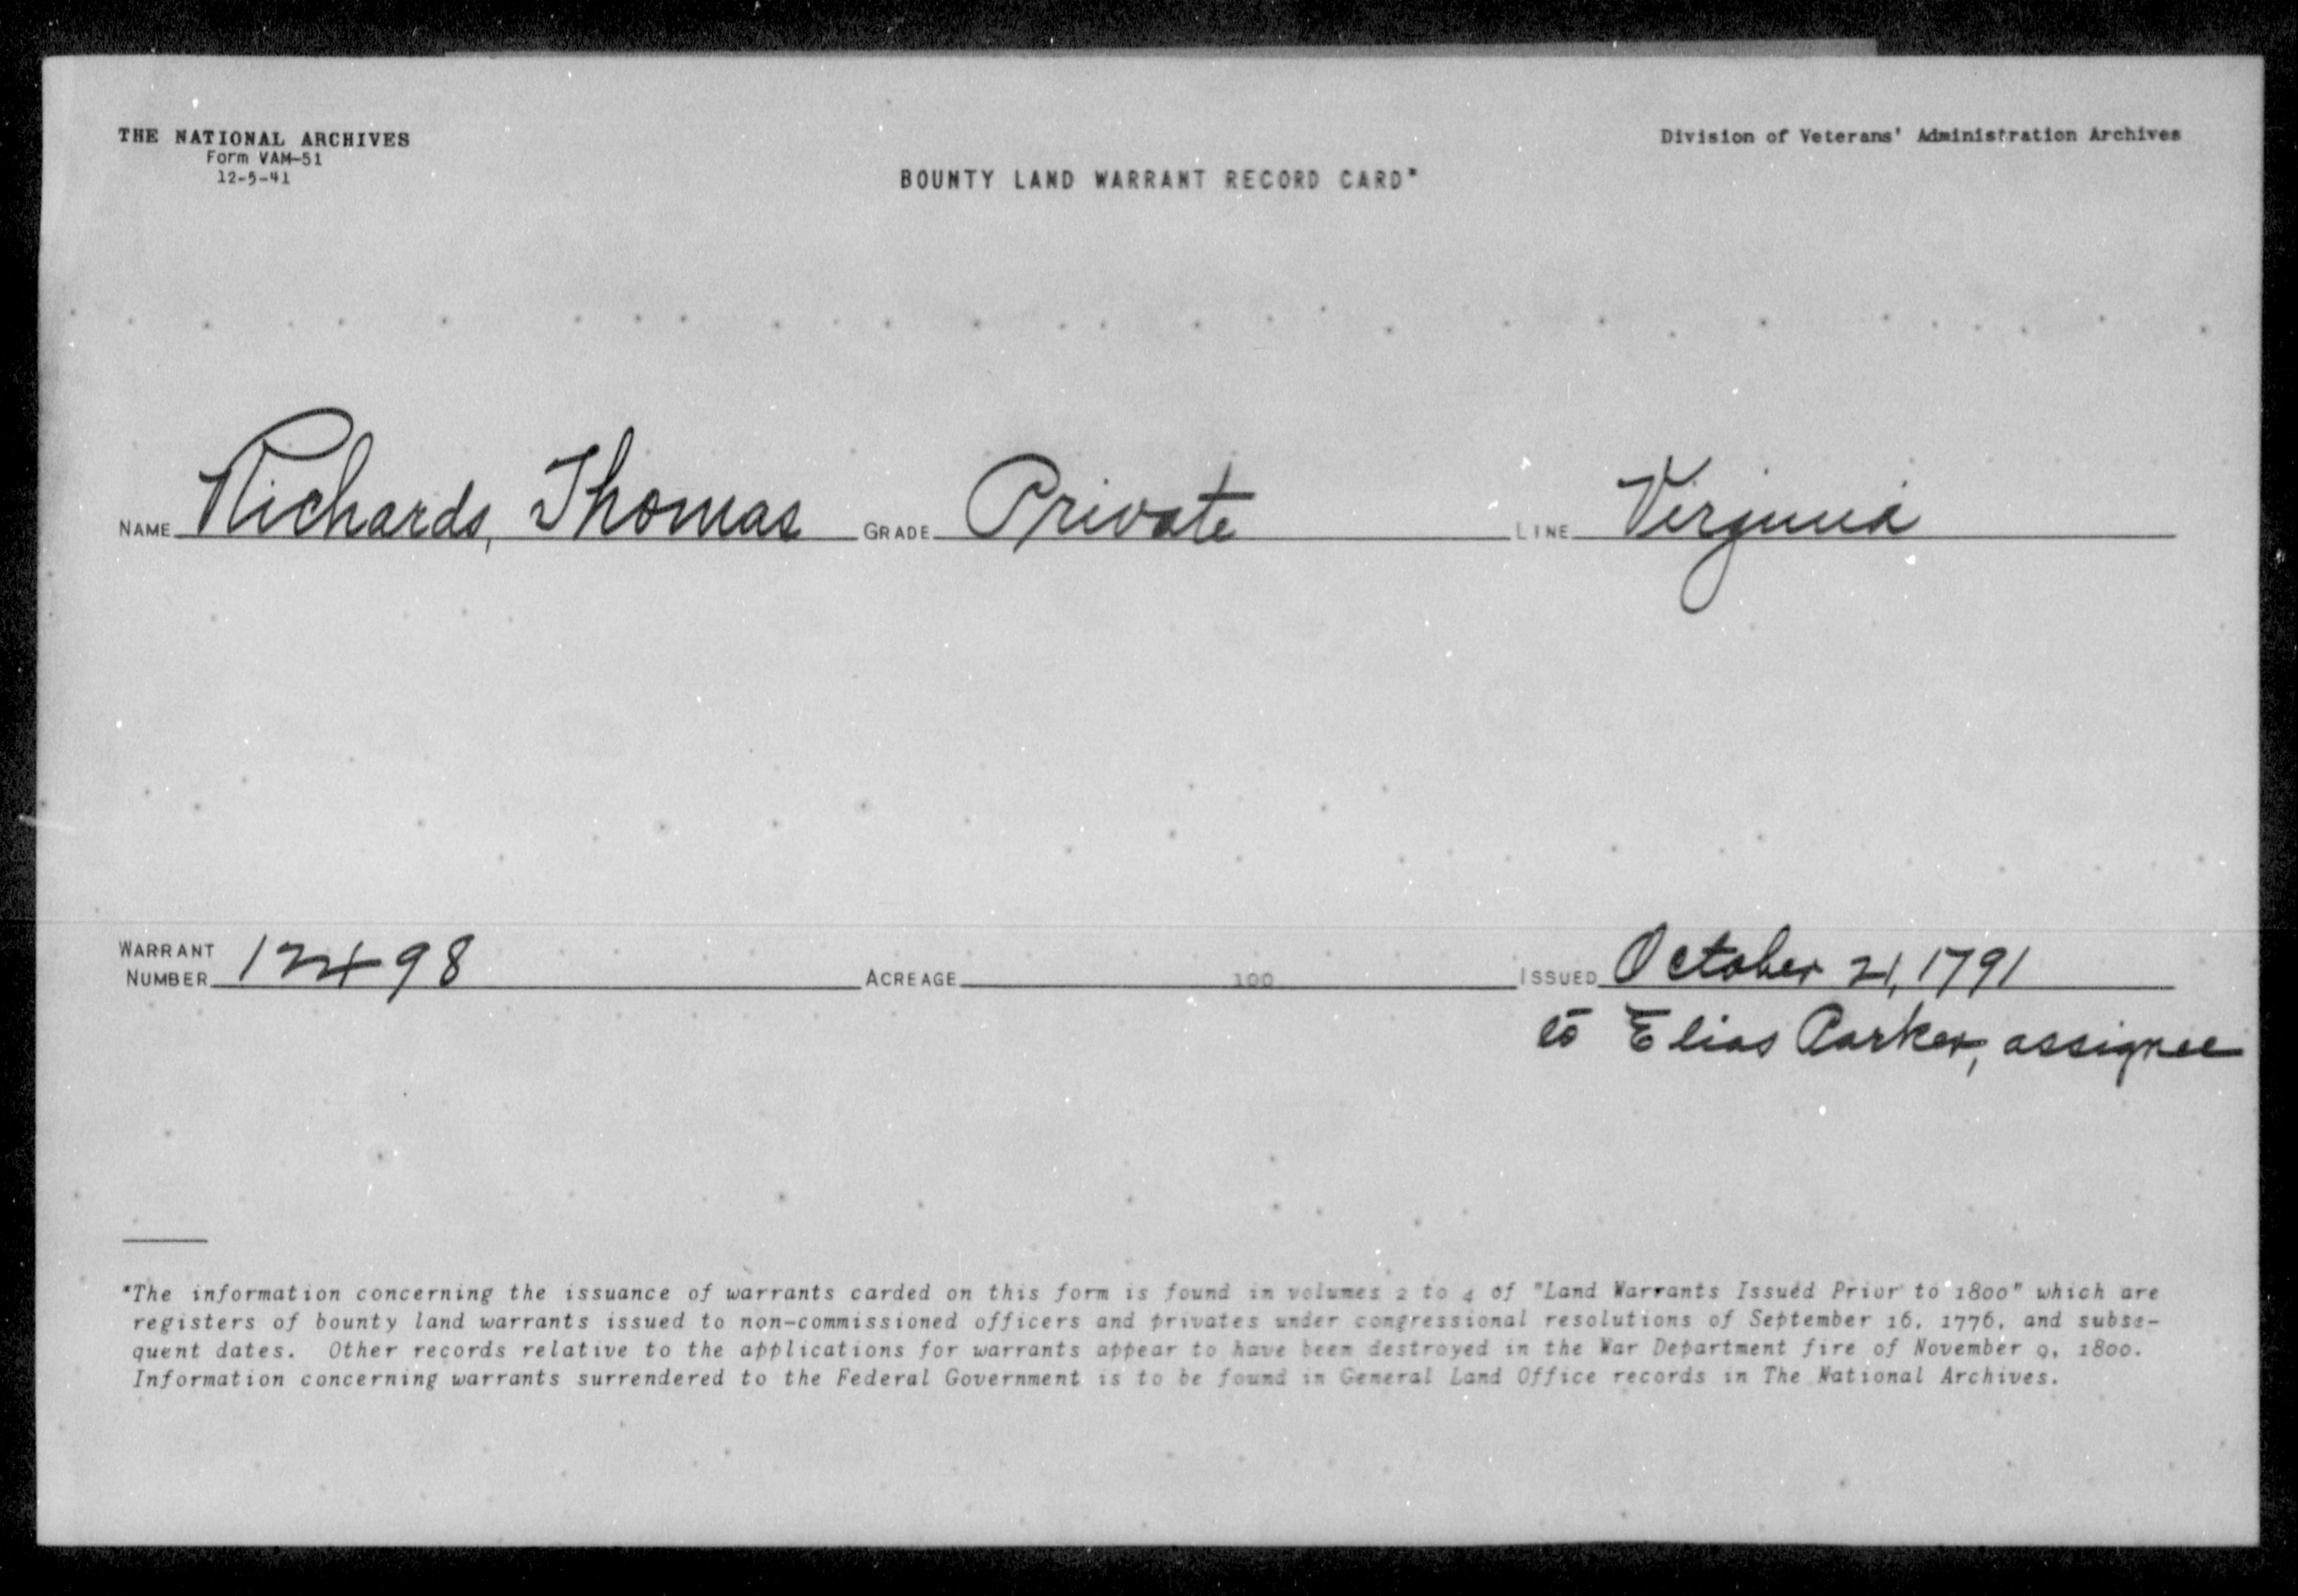THE NATIONAL ARCHIVES
Form VAM-51
12-5-41
BOUNTY LAND WARRANT RECORD CARD*
Division of Veterans' Administration Archives
NAME Richards, Thomas GRADE Private
LINE Virginia
WARRANT NUMBER 12498
October 21, 1791 to Elias Parker, assignee
*The information concerning the issuance of warrants carded on this form is found in volumes 2 to 4 of "Land Warrants Issued Prior to 1800" which are registers of bounty land warrants issued to non-commissioned officers and privates under congressional resolutions of September 16, 1776, and subsequent
dates. Other records relative to the applications for warrants appear to have been destroyed in the War Department fire of November 9, 1800.
Information concerning warrants surrendered to the Federal Government is to be found in General Land Office records in The National Archives.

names: Thomas Richards; Elias Parker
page: 109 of 109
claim: widow's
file: W. 5709, for Thomas Richards, New Hampshire